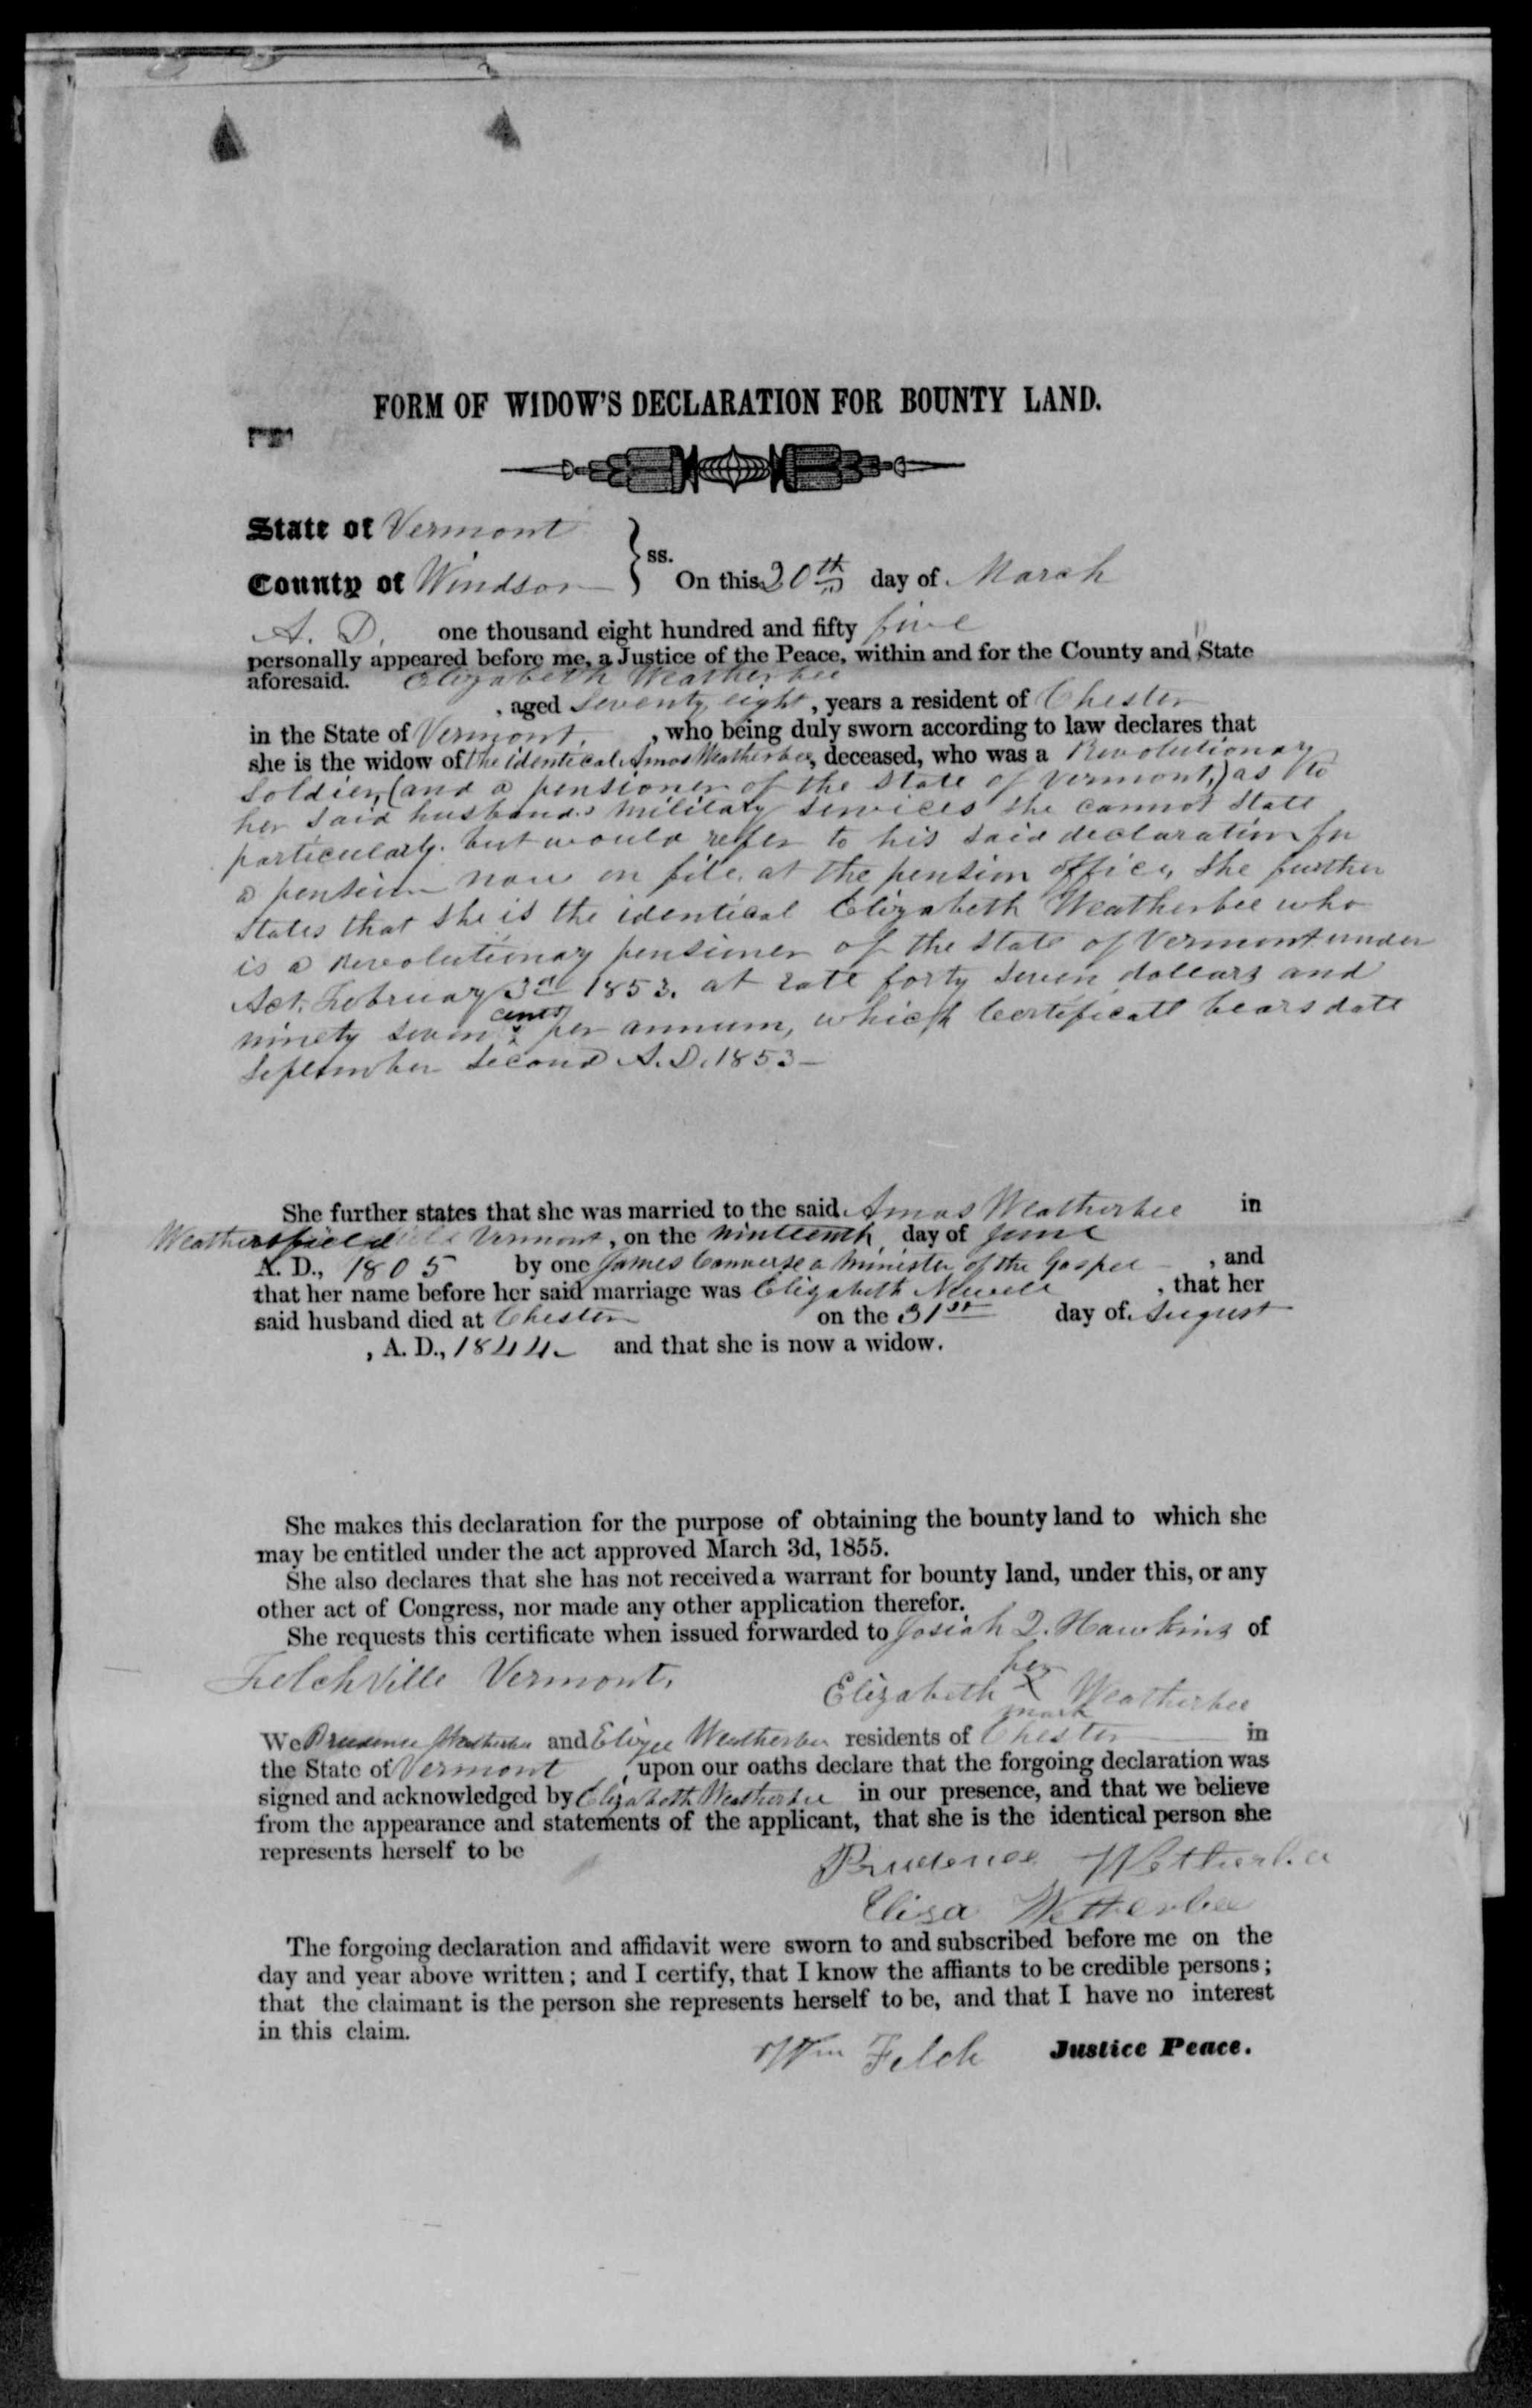FORM OF WIDOW'S DECLARATION FOR BOUNTY LAND
State of Vermont
County of Windsor SS
On this 20th day of March A.D. one thousand eight hundred and fifty five personally appeared before me, a Justice of the Peace, within and for the County and State aforesaid Elizabeth Wetherbee, aged seventy eight years, a resident of Chester in the State of Vermont, who being duly sworn according to law declares that she is the widow of the identical Amos Weatherbee, deceased, who was a Revolutionary soldier (and a pensioner of the State of Vermont) as to her said husbands military services she cannot state particularly, but would refer to his said declaration for a pension now on file at the pension office, she further states she is the identical Elizabeth Weatherbee who is a revolutionary pensioner of the state of Vermont under Act February 2d 1853 at rate forty seven dollars and ninety seven cents per annum, which certificate bears date September second A. D. 1853.
She further states that she was married to the said Amos Weatherbee in Weathersfield Vermont on the nineteenth day of June A. D. 1805 by one James Converse a minister of the gospel, and that he name before he said marriage was Elizabeth Newell, that he said husband died at Chester on the 31st day of August, A.D. 1844 and that she is now a widow.
She makes this declaration for the purpose of obtaining the bounty land to which she may be entitled under the act approved March 3d, 1855.
She also declares that shse has not received a warrant for bounty land, under this, or any other act of Congress, not make any other application therefor.
She request this certificate when issued forwarded to Josiah Q. Hawkins of Felchville, Vermont
Elizabeth   X   Weatherbee
 her mark
We Prudence Weatherbee and Eliza Weatherbee residents of Chester in the State of Vermont upon our oaths declare that the forgoing declaration was signed and acknowledged by Elizabeth Weatherbee in our presence, and that we believe from the appearance and statements of the applicant, that she is the identical person she represents herself to be.
Prudence Wetherbee
Eliza Wetherbee
The forgoing declaration and affidavit were sworn to and subscribed before me on the day and year above written; and I certify that I know the affiants to be credible persons; that the claimant is the person she represents herself to be, and that I have no interest in this claim.
Wm. Felch, Justice Peace.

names: Prudence Wetherbee, James Converse, Josiah Q Hawkins, Elizabeth Weatherbee, Amos Wetherbee, Elisa Wetherbee, Elizabeth Newell, Wm Felch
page: 7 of 66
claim: widow's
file: W. 2468, Amos Wetherbee, Mass.